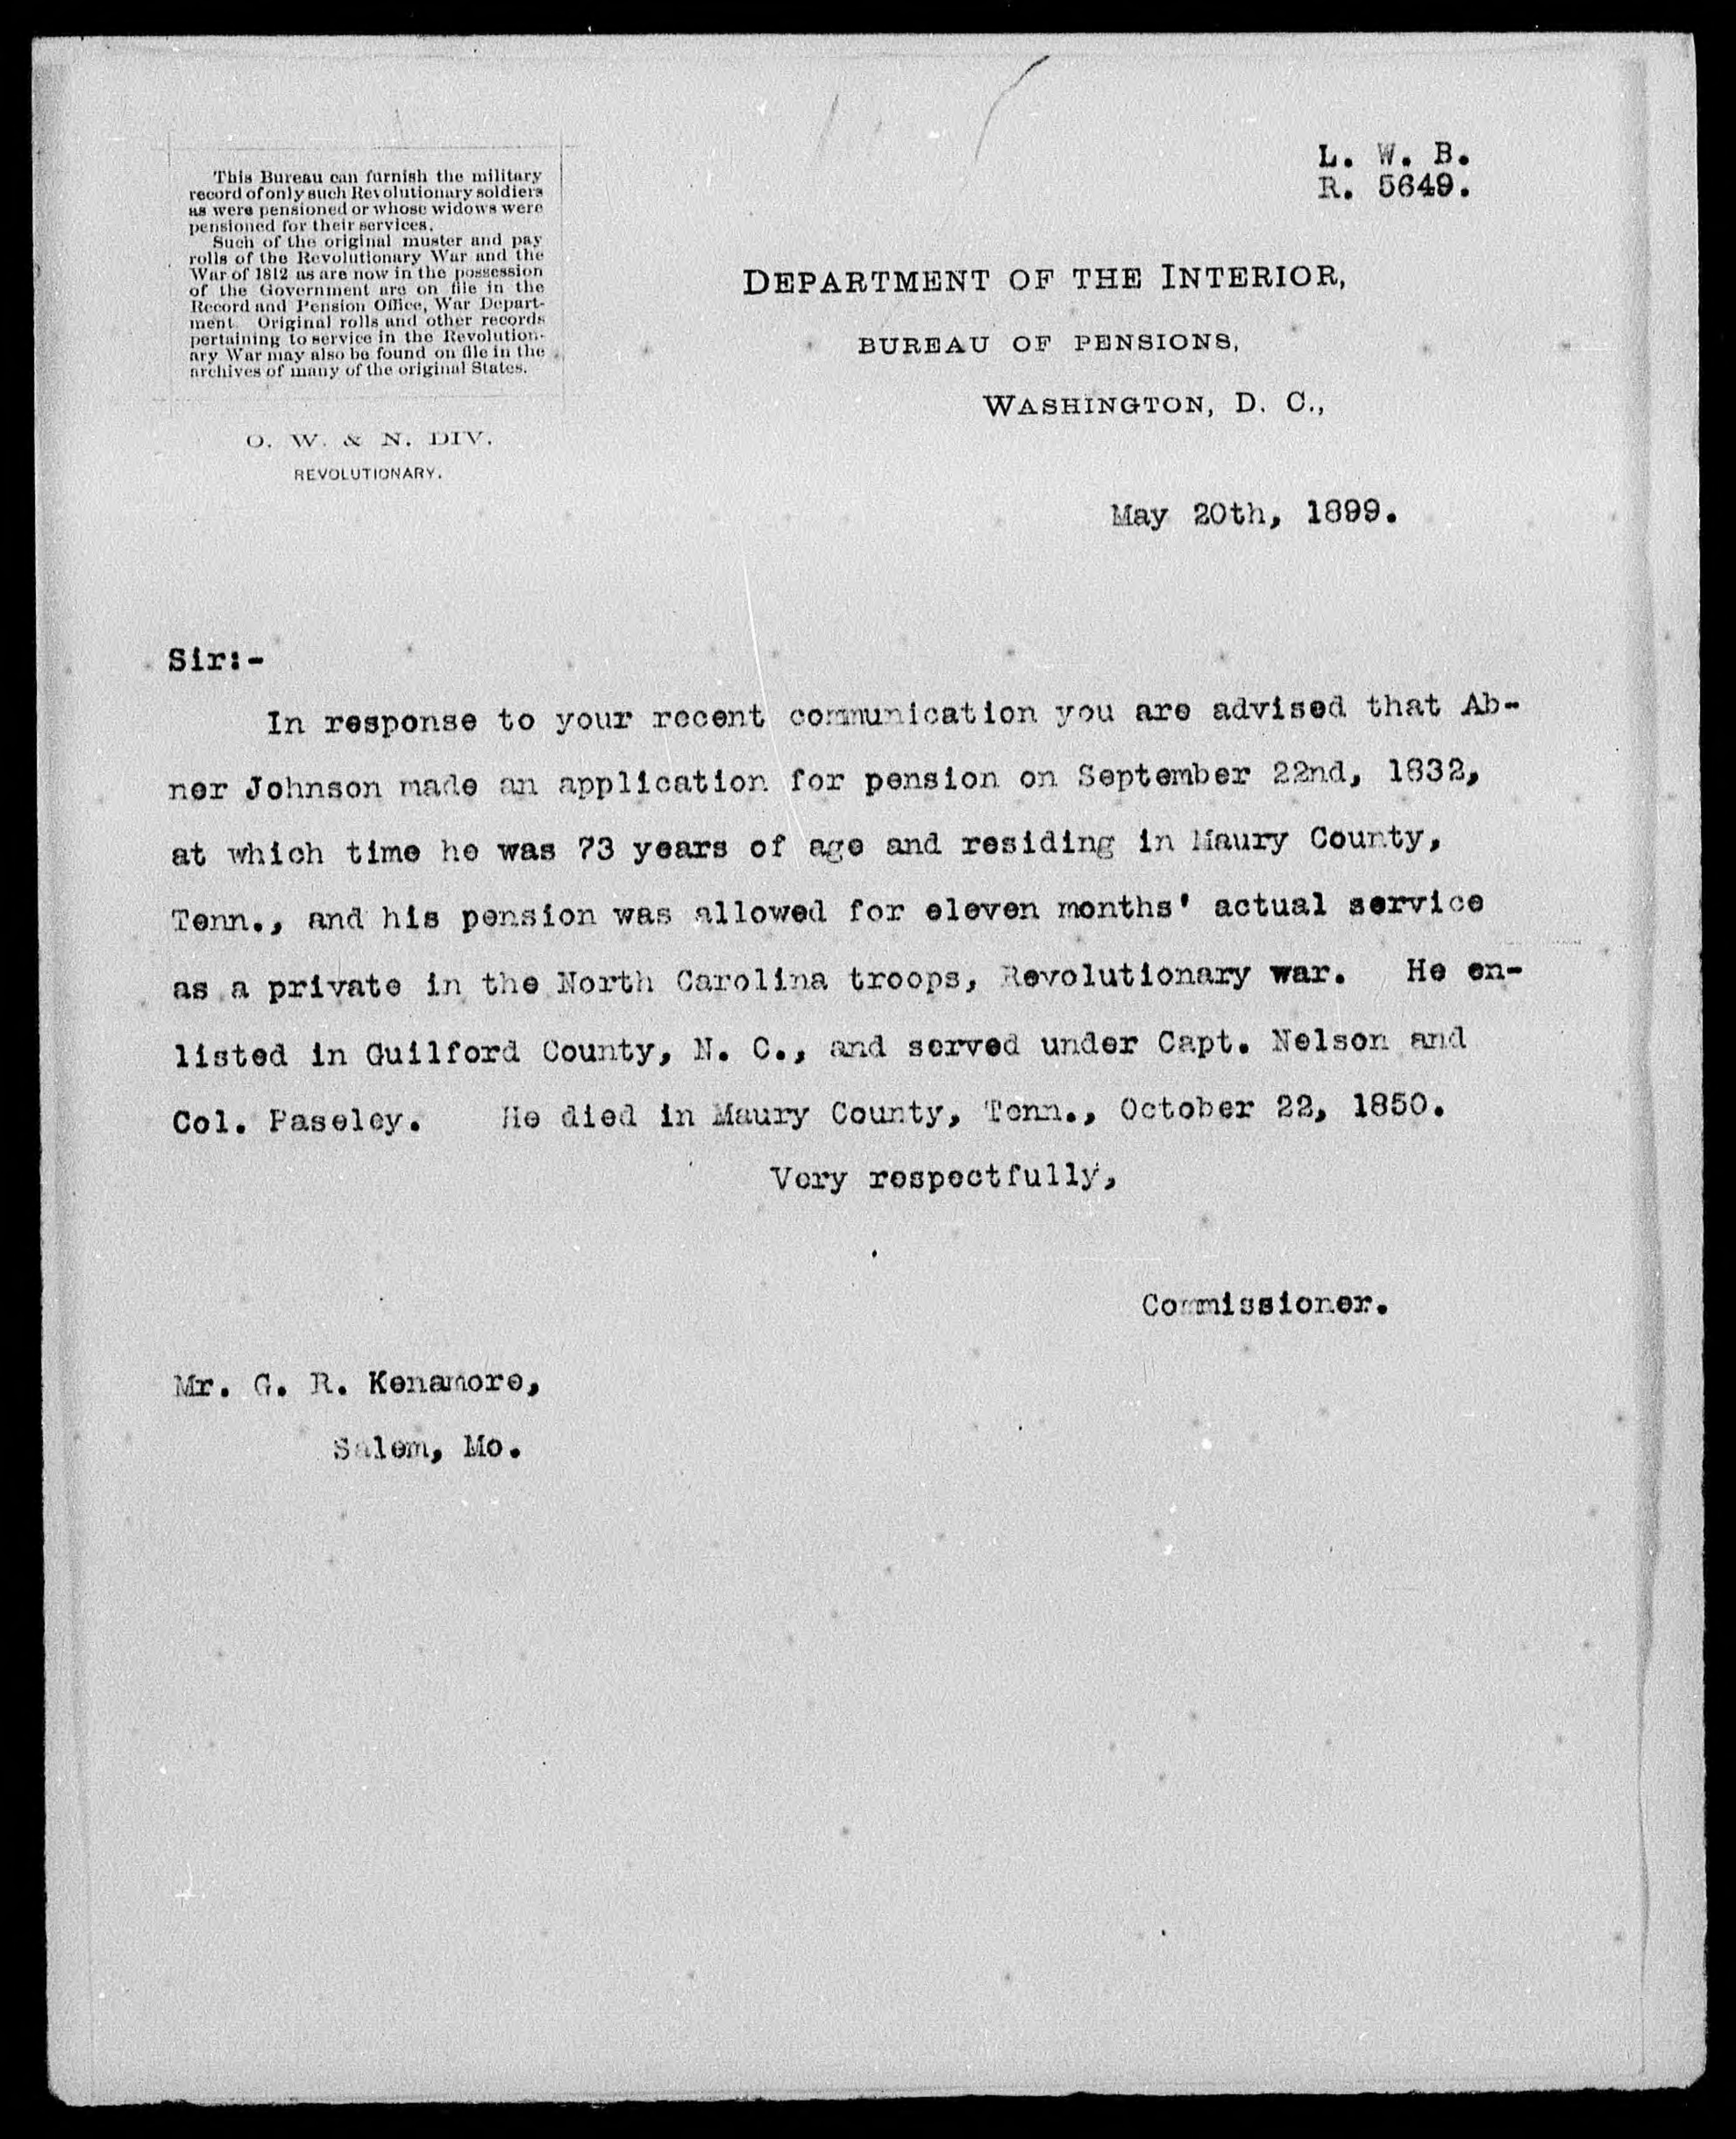(letterhead)
     This Bureau can furnish the military record of only such Revolutionary soldiers as were pensioned or whose widows were pensioned for their services.
     Such of the original muster and pay rolls of the Revolutionary War and the War of 1812 as are now in the possession of the Government are on file in the Record and Pension Office, War Department.  Original rolls and other records pertaining to service in the Revolutionary War may also be found on file in the archives of many of the original States.

DEPARTMENT OF THE INTERIOR,
BUREAU OF PENSIONS
WASHINGTON , D.C.

L.W.B.
R. 5649.

                    May 20th, 1899.
Sir:-
    In response to your recent communication you are advised that Abner Johnson made an application for pension on September 22nd, 1832, at which time he was 73 years of age, residing in Maury County, Tenn., and his pension was allowed for eleven months' actual service as a private in the North Carolina troops, Revolutionary war.  He enlisted in Guilford County, N.C., and served under Capt. Nelson and Col. Paseley.  He died in Maury County, Tenn., October 22, 1850.
                  Very respectfully,
                               Commissioner.

Mr. G.R. Kenamore
Salem, Mo.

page: 27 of 27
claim: rejected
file: R. 5649, for Abner Johnson, North Carolina